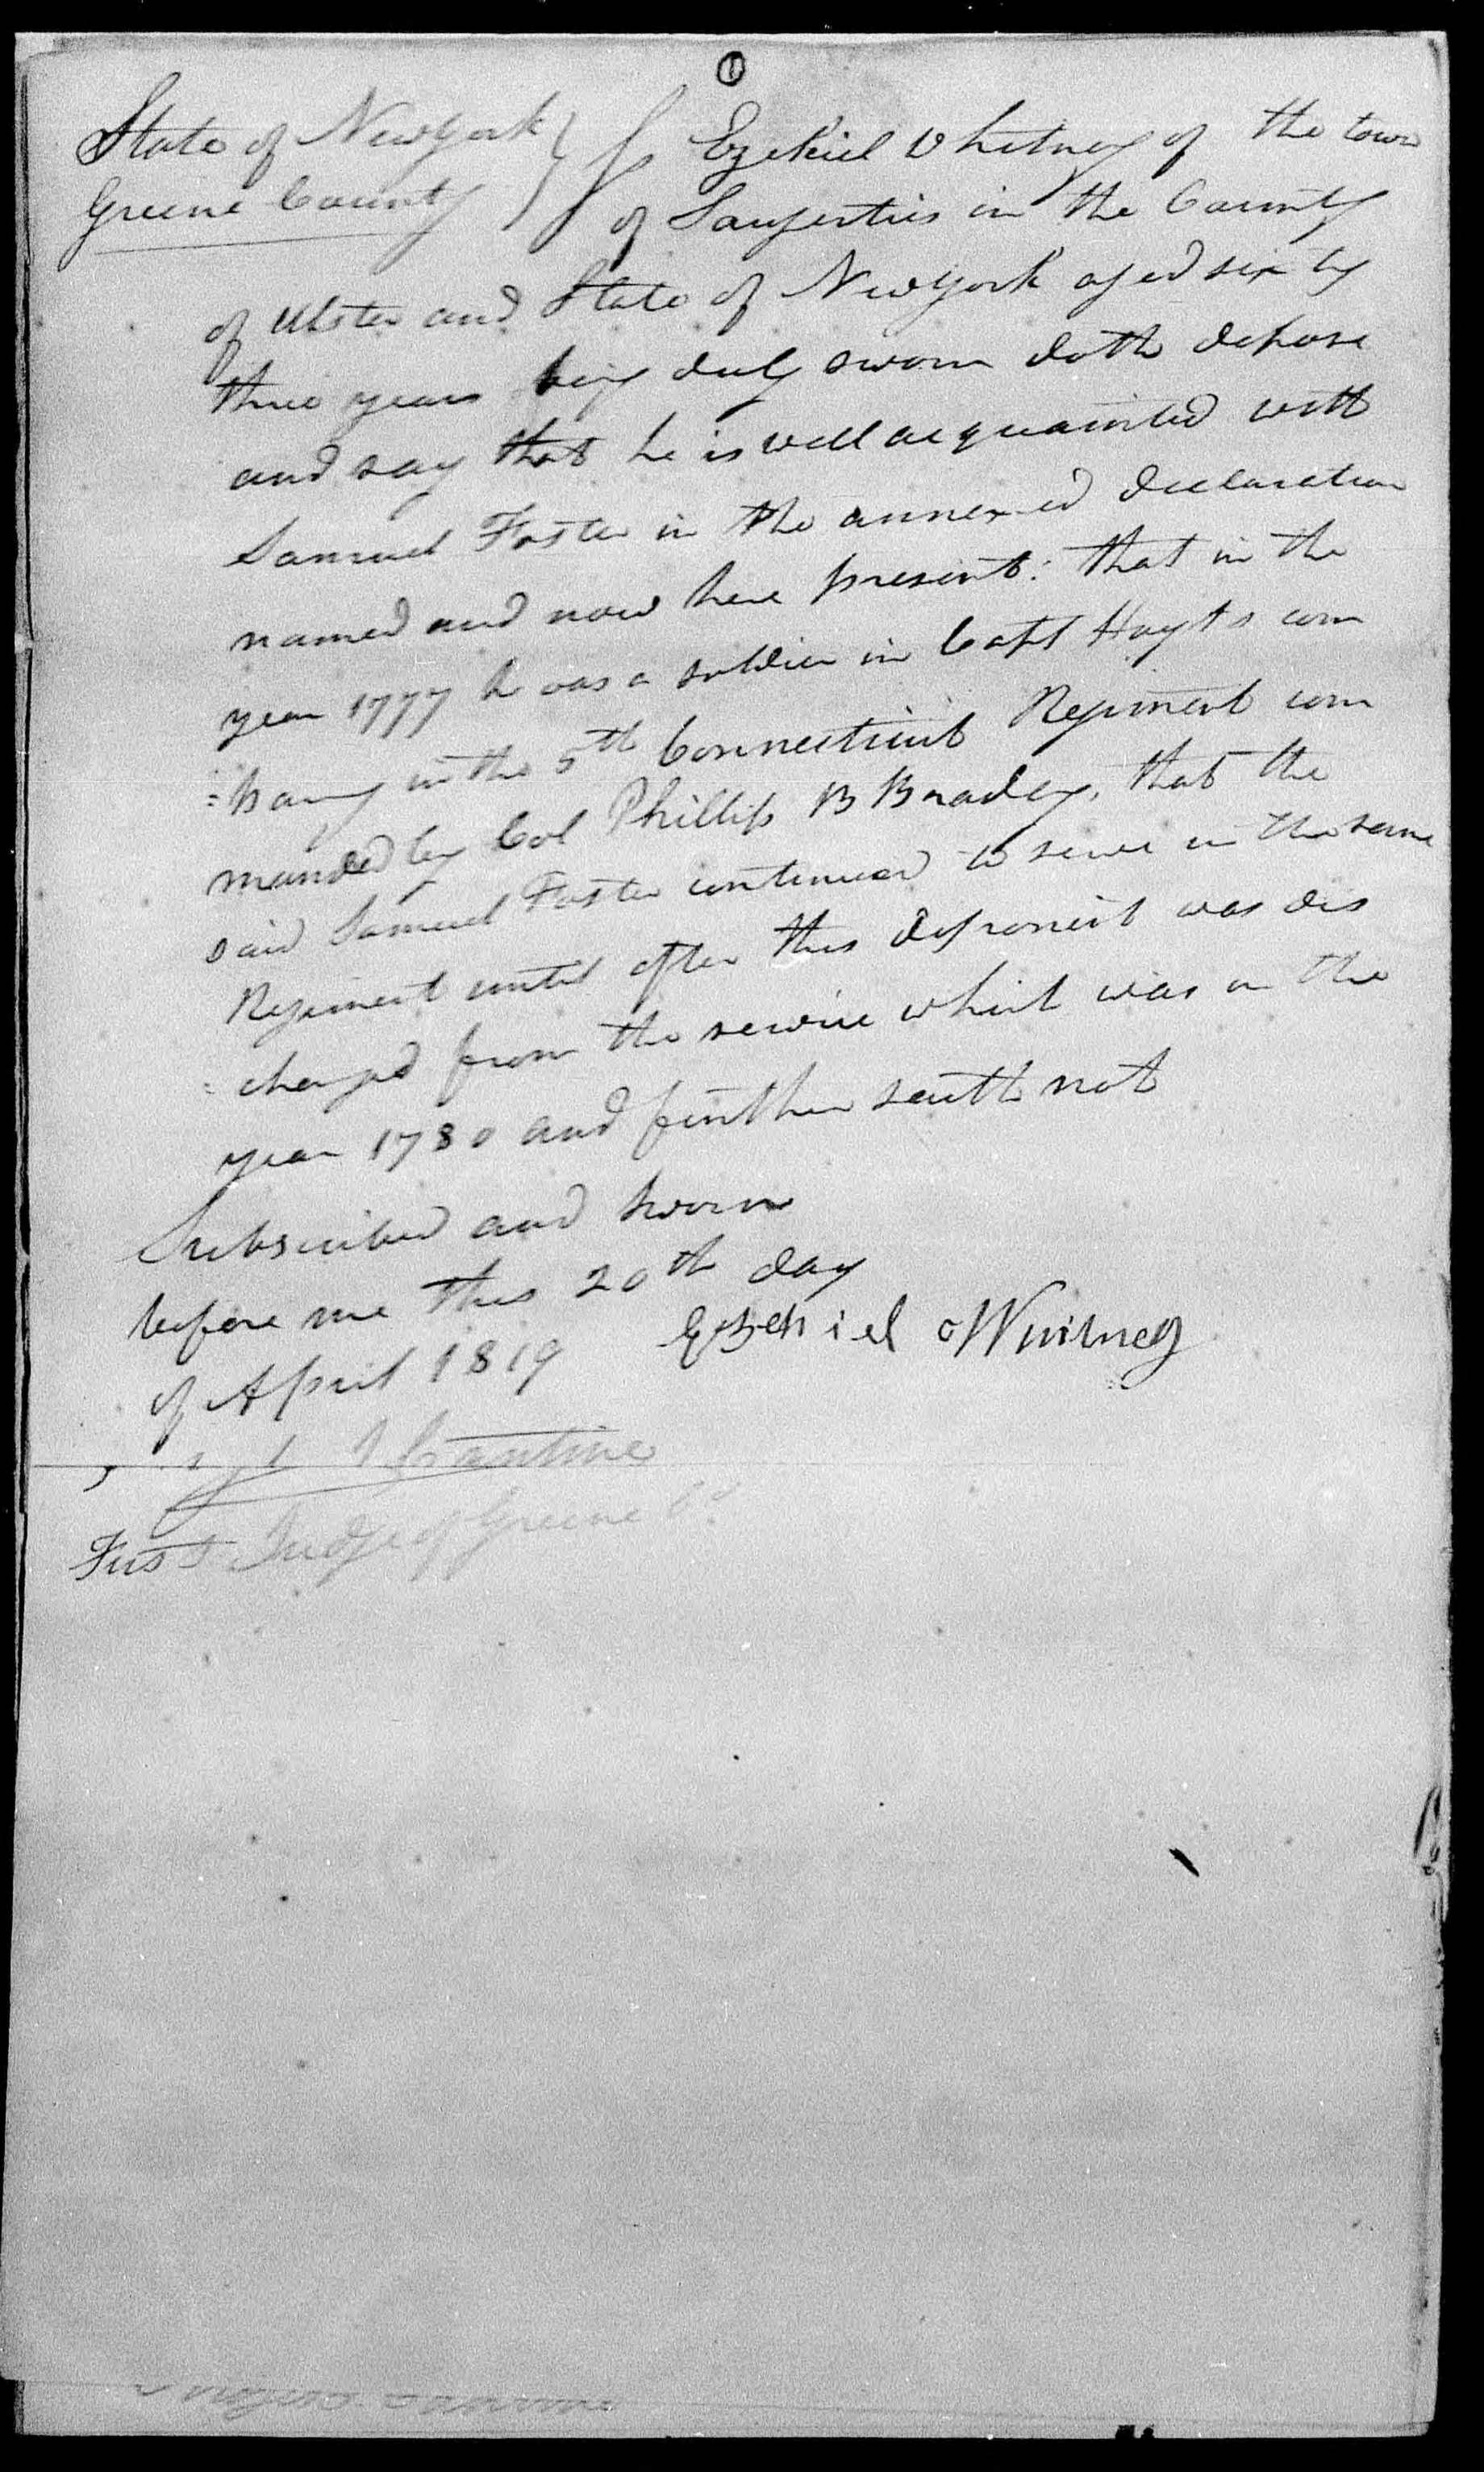1 [circled]
State of New York Greene County}ss
Ezekiel Whitney of the town of Saugerties in the County of Ulster and State of New York aged sixty three years being duly sworn doth depose and say that he is well acquainted with Samuel Foster in the annexed declaration named and now here present. that in the year 1777 he was a soldier in Capt Hayts com=pany in the 5th Connecticut Regiment commanded by Col Phillip B Bradly, that the said Samuel Foster continued to serve in the same Regiment until after this deponent was dis=charged from the service which was in the year 1780 and further [illegible] not
[signed] Ezekiel Whitney
Subscribed and Sworn before me this 20th day of April 1819 
[signed] [illegible due to page overlap] Cantine
First Judge of Greene Co.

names: Phillip B Bradley, Samuel Foster, Ezekiel Whitney, Ezekiel Whitney, Moses J Cantine, Samuel Foster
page: 25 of 54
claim: survivor's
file: S. 13,043, Samuel Foster, Conn.